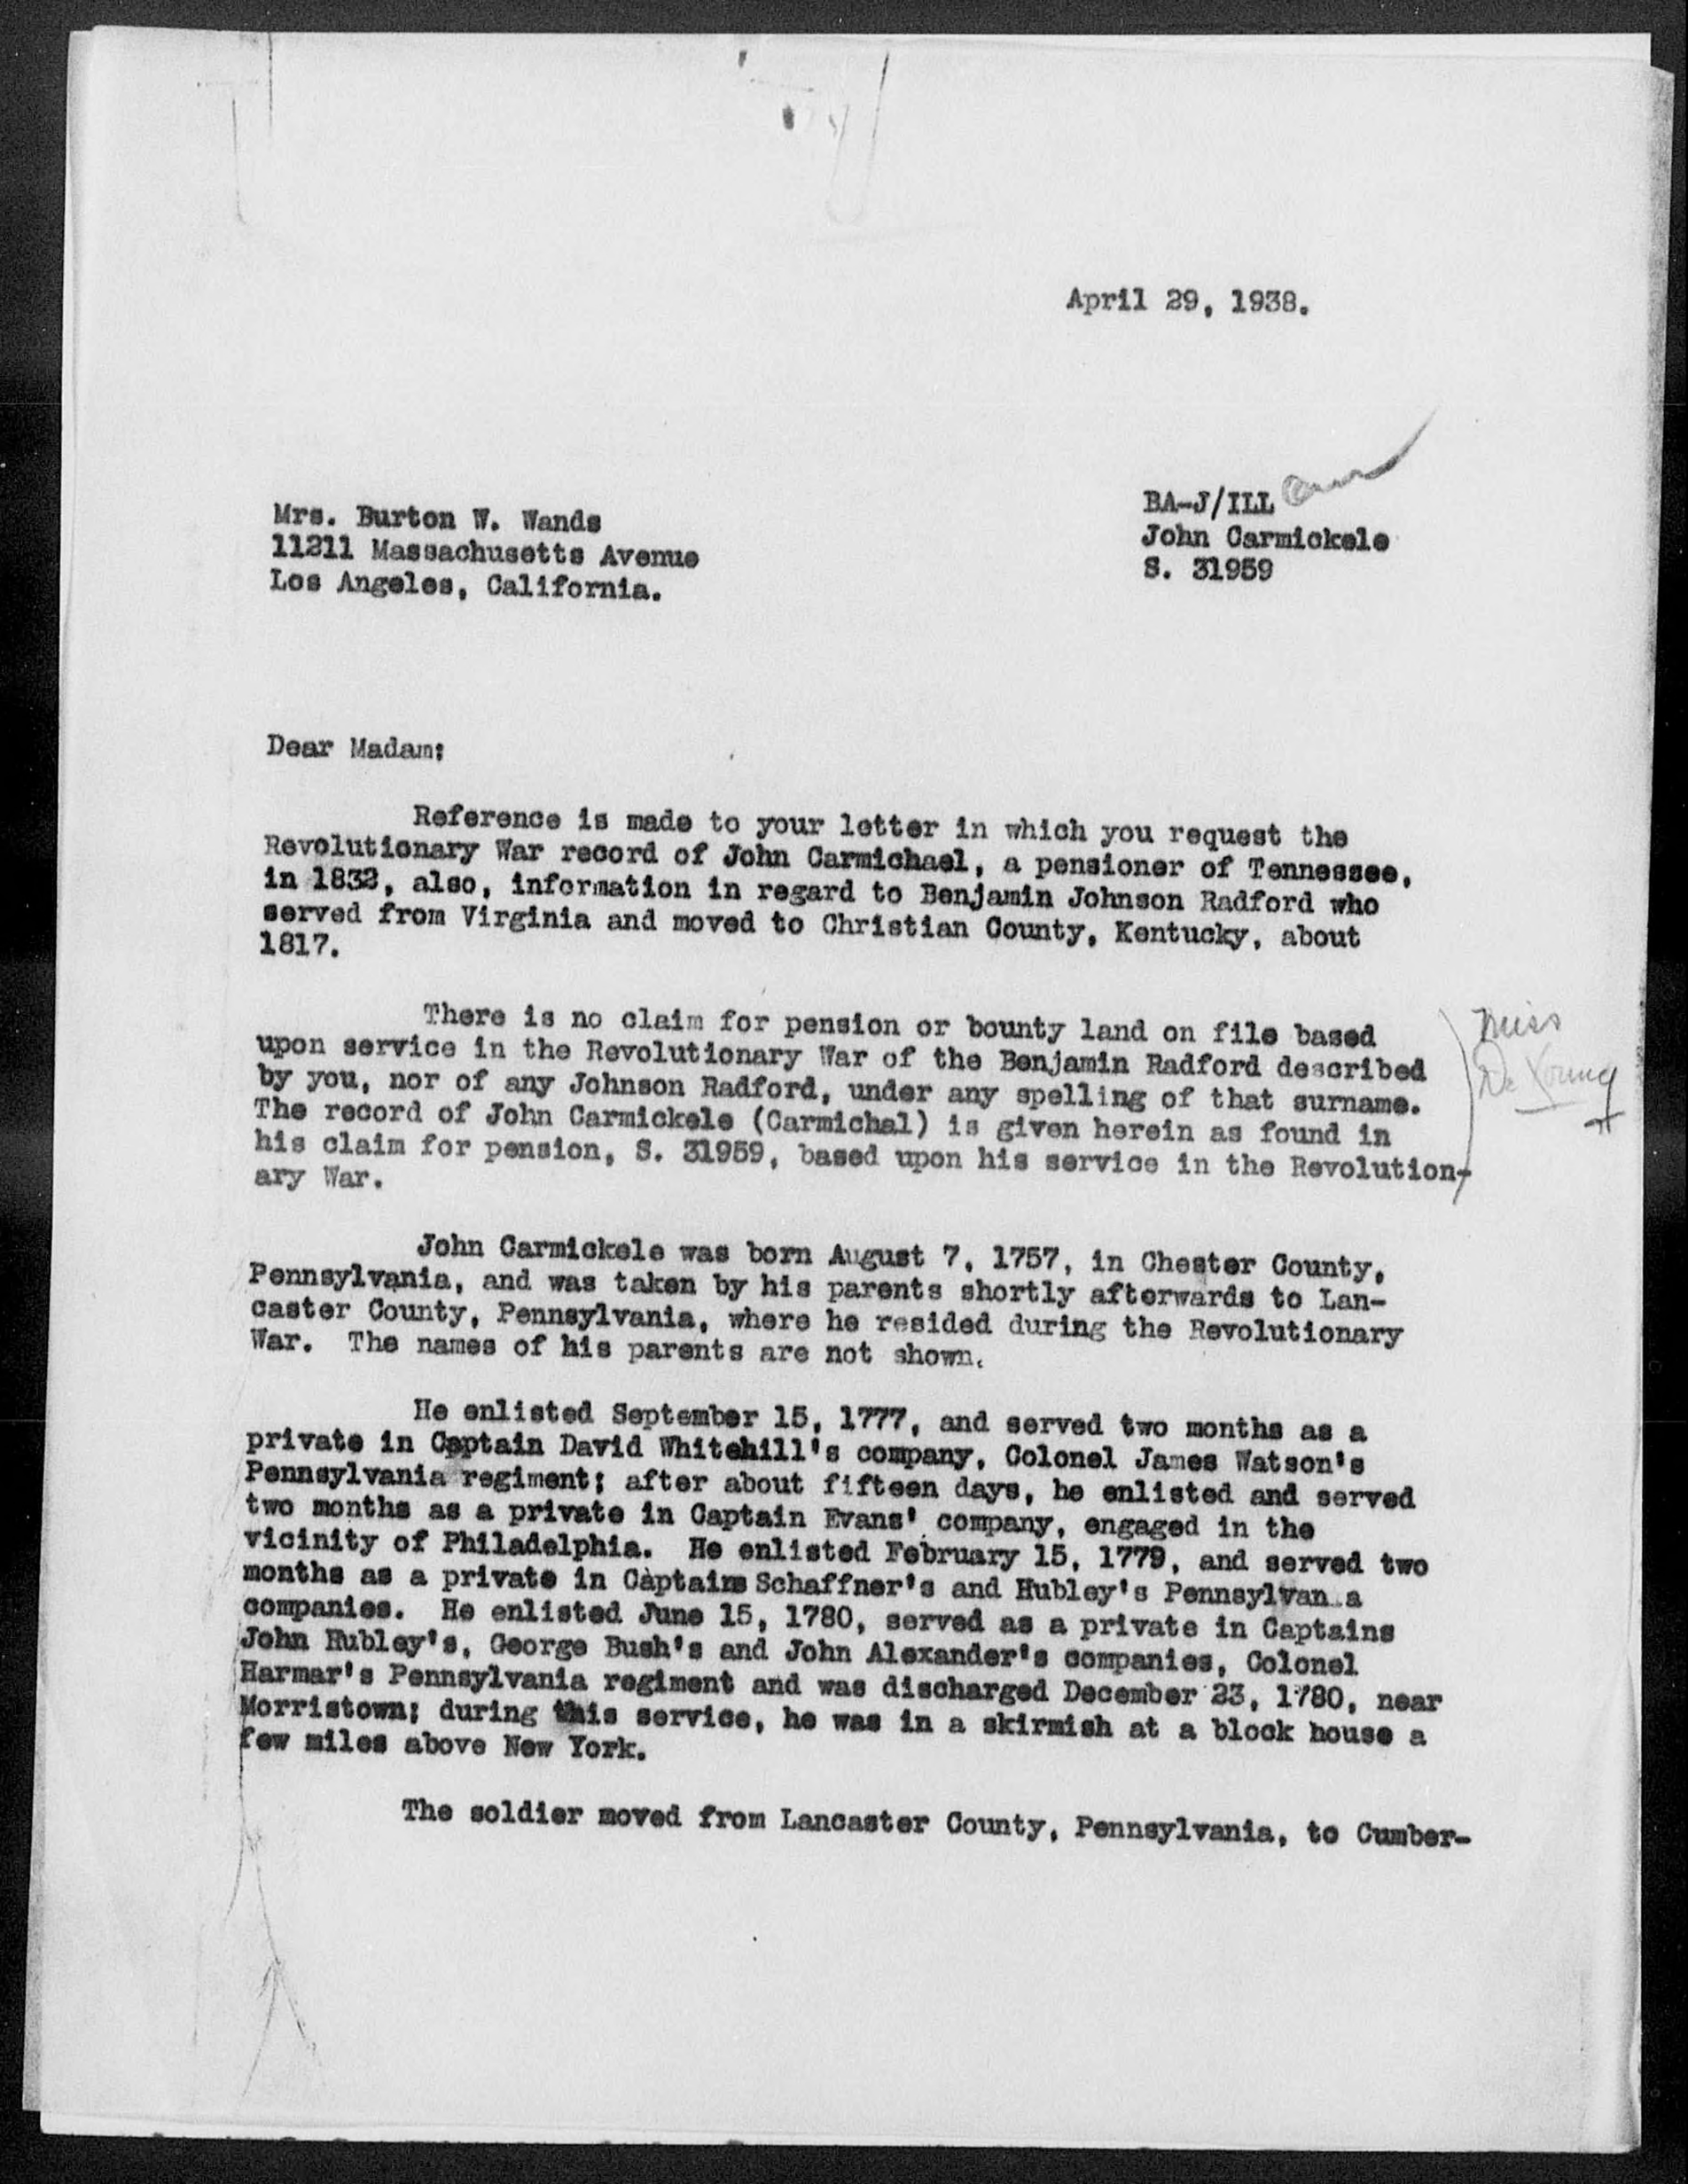Mrs. Burton W. Wands
11211 Massachusetts Avenue
Los Angeles, California.
Dear Madam:
April 29, 1938.
BAILL
John Carmichele
S. 31959
Reference is made to your letter in which you request the Revolutionary War record of John Carmichael, a pensioner of Tennessee,
in 1832, also, information in regard to Benjamin Johnson Radford who 
served from Virginia and moved to Christian County, Kentucky, about 1817.

There is no claim for pension or bounty land on file based upon service in the Revolutionary War of the Benjamin Radford described
by you, nor of any Johnson Radford, under any spelling of that surname.
The record of John Carmickele (Carmichal) is given herein as found in
his claim for pension, S. 31959, based upon his service in the Revolution
John Carmickele was born August 7, 1757, in Chester County, Pennsylvania, and was taken by his parents shortly afterwards to Lancaster
County, Pennsylvania, where he resided during the Revolutionary War. The names of his parents are not shown,
He enlisted September 15, 1777, and served two months as a private in Captain David Whitehill's company, Colonel James Watson's
Pennsylvania regiment; after about fifteen days, he enlisted and served
two months as a private in Captain Evans' company, engaged in the vicinity of Philadelphia. He enlisted February 15, 1779, and served two months as a private in Captain Schaffner's and Hubley's Pennsylvania
companies. He enlisted June 15, 1780, served as a private in Captains John Rubley's, George Bush's and John Alexander's companies, Colonel Harmar's Pennsylvania regiment and was discharged December 23, 1780, near
Morristown; during this service, he was in a skirmish at a block house a few miles above New York,
The soldier moved from Lancaster County, Pennsylvania, to Cumber-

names: Johnson Radford, Burton W Wands, Benjamin Johnson Radford, John Carmichael, John Carmickele, John Carmickele, Benjamin Radford, John Carmickele, John Carmichal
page: 9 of 42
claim: survivor's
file: S. 31,595, John Carmickele, Penn.